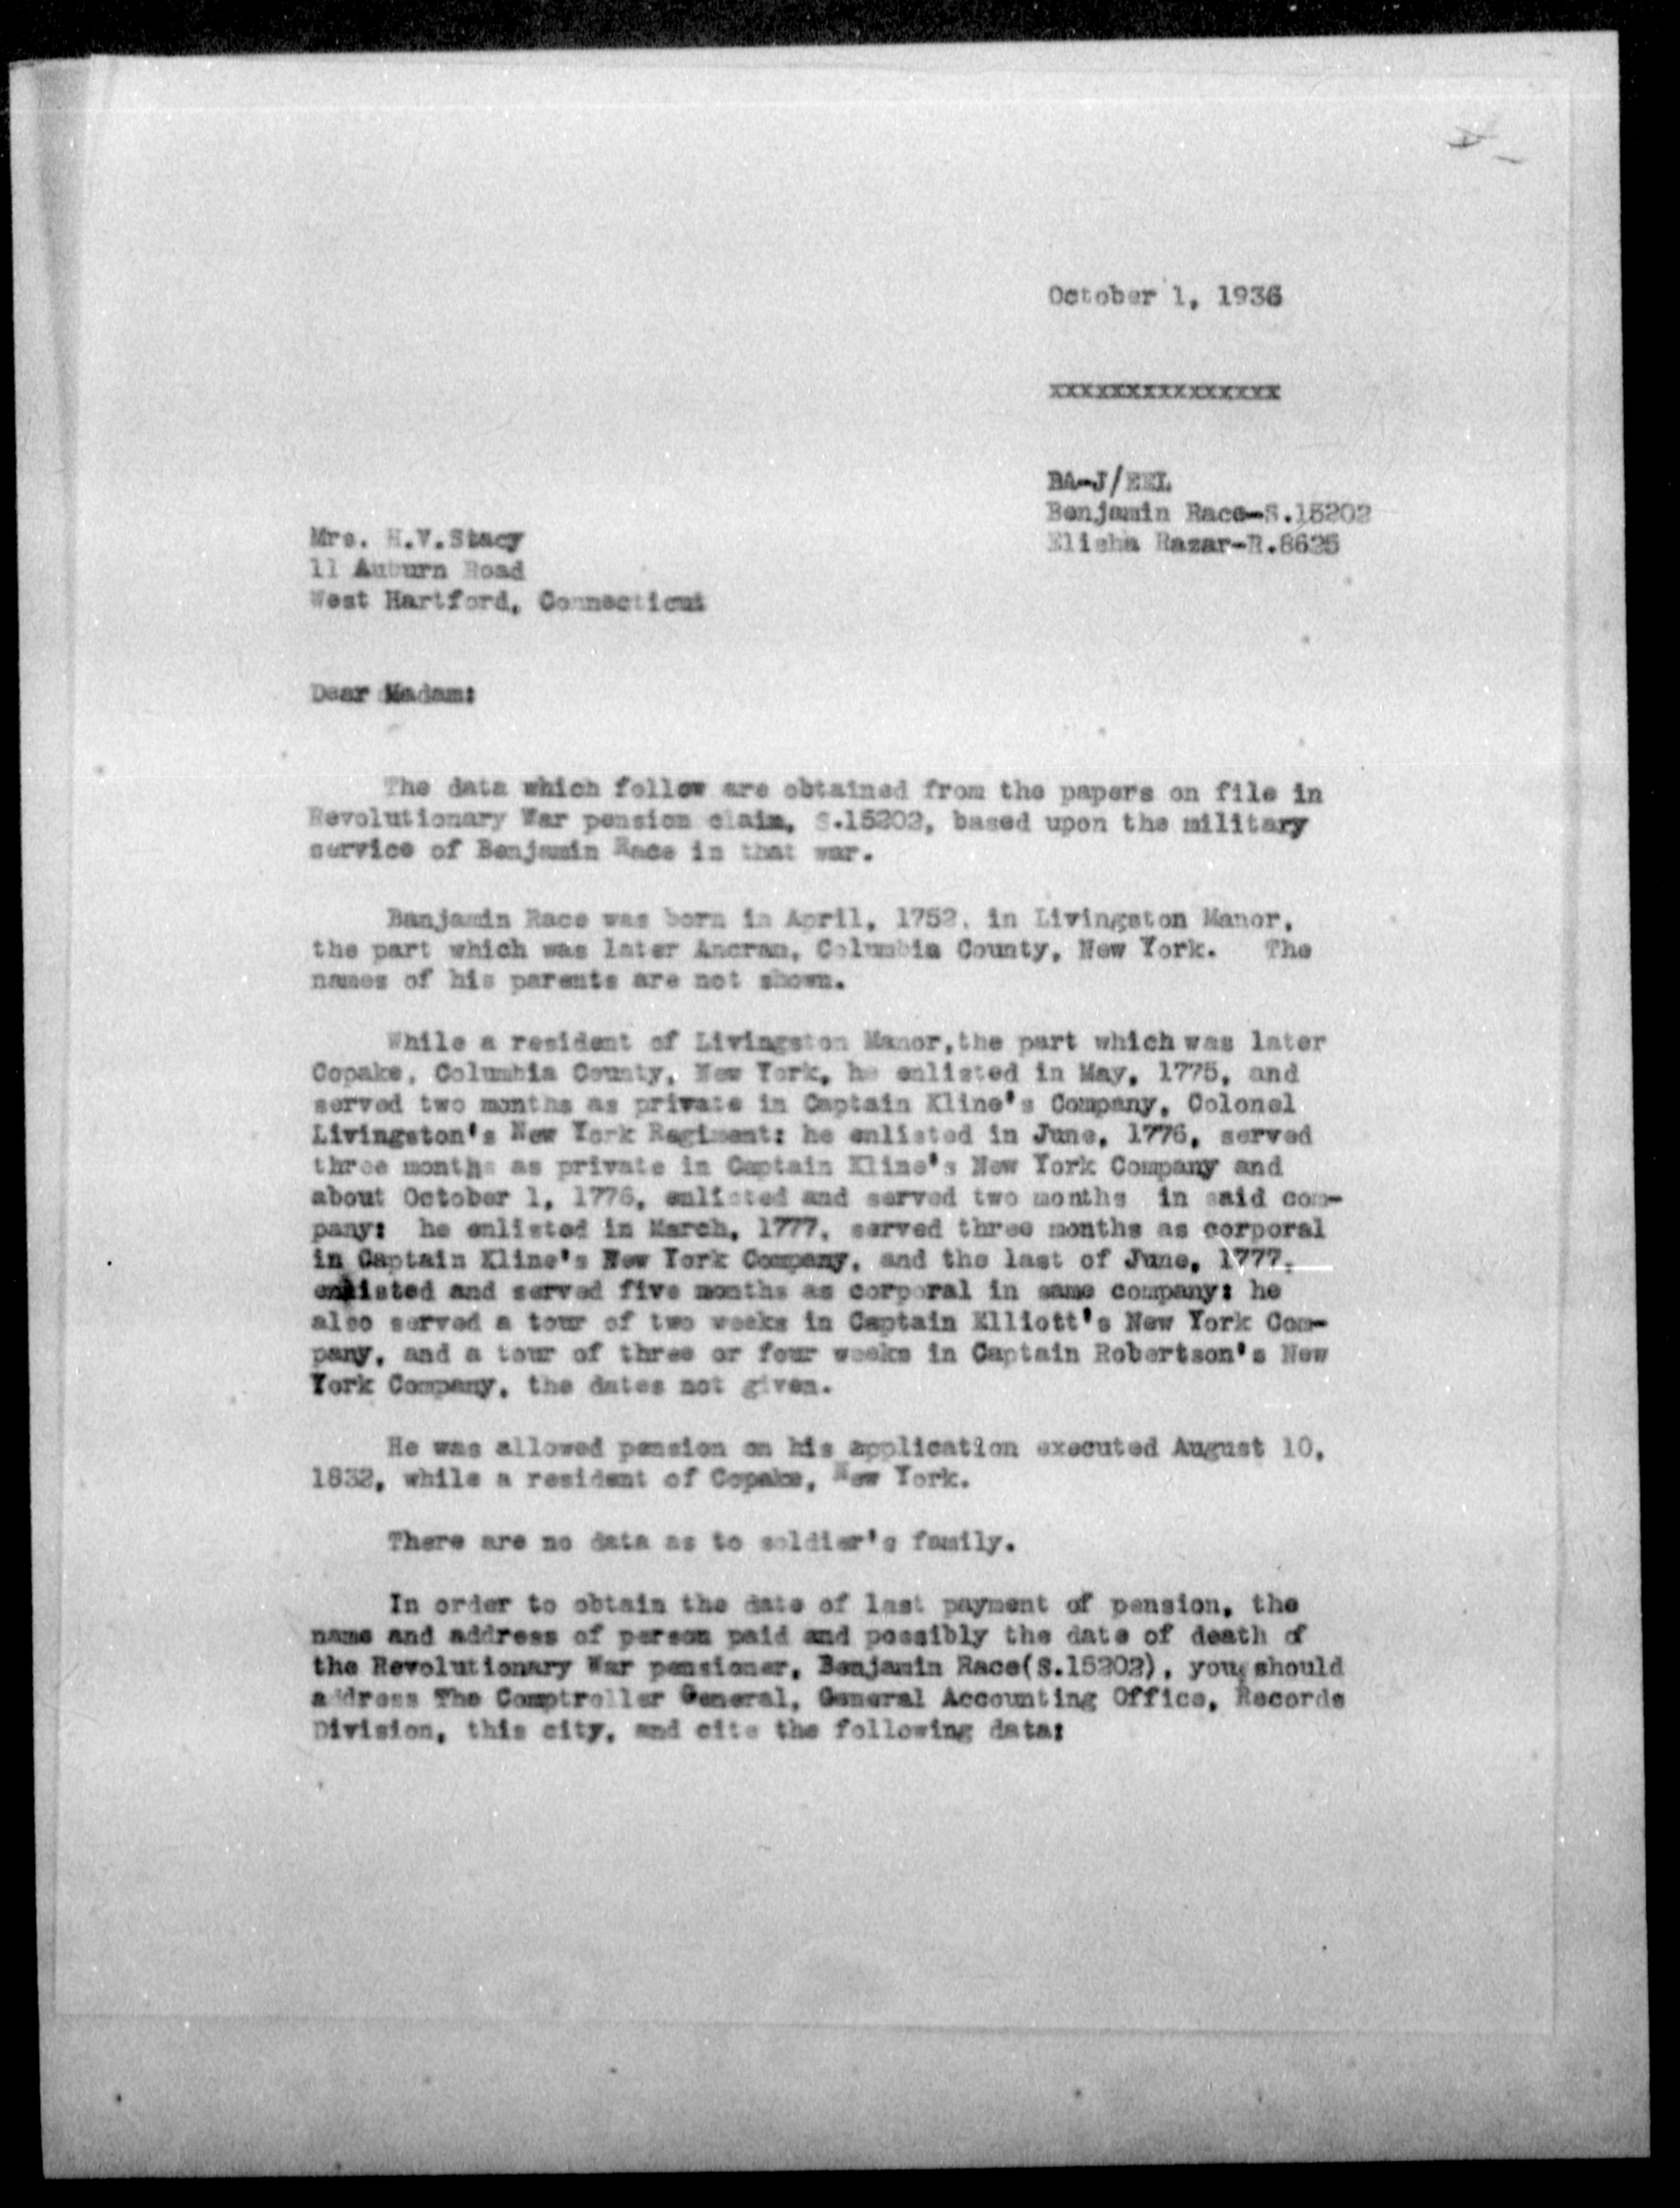October 1, 1936
XXXXXXXXXXXXXXX
BA-J/ELL.
Benjamin Race-S.18202
Elisha Razar-R.8625

Mrs. H. V. Stacy
11 Auburn Road
West Hartford, Connecticut

Dear Madam:

The data which follow are obtained from the papers on file in
Revolutionary War pension claim, S.15203, based upon the military
service of Benjamin Race in that war.

Benjamin Race was born in April, 1752, in Livingston Manor,
the part which was later Ancran, Columbia County, New York. The
names of his parents are not shown.

While a resident of Livingston Manor, the part which was later
Copake, Columbia County, New York, he enlisted in May, 1775, and
served two months as private in Captain Kline's Company, Colonel
Livingston's New York Regiment: he enlisted in June, 1776, served
three months as private in Captain Kline's New York Company and
about October 1, 1776, enlicted and served two months in said company;
he enlisted in March, 1777, served three months as corporal
in Captain Kline's New York Company, and the last of June, 1777,
enlisted and served five months as corporal in same company: he
also served a tour of two weeks in Captain Elliott's New York Company,
and a tour of three or four weeks in Captain Robertson's New York
Company, the dates not given.

He was allowed pension on his application executed August 10,
1832, while a resident of Copake, New York.

There are no data as to soldier's family,

In order to obtain the date of last payment of pension, the
name and address of person paid and possibly the date of death of
the Revolutionary War pensioner, Benjamin Race (S.15203), you should
address The Comptroller General, General Accounting Office, Records
Division, this city, and cite the following data:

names: Benjamin Race; H V Stacy; Elisha Razar; Benjamin Race; Benjamin Race; Benjamin Race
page: 9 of 30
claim: rejected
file: R. 8625, for Elisha Razar, Connecticut